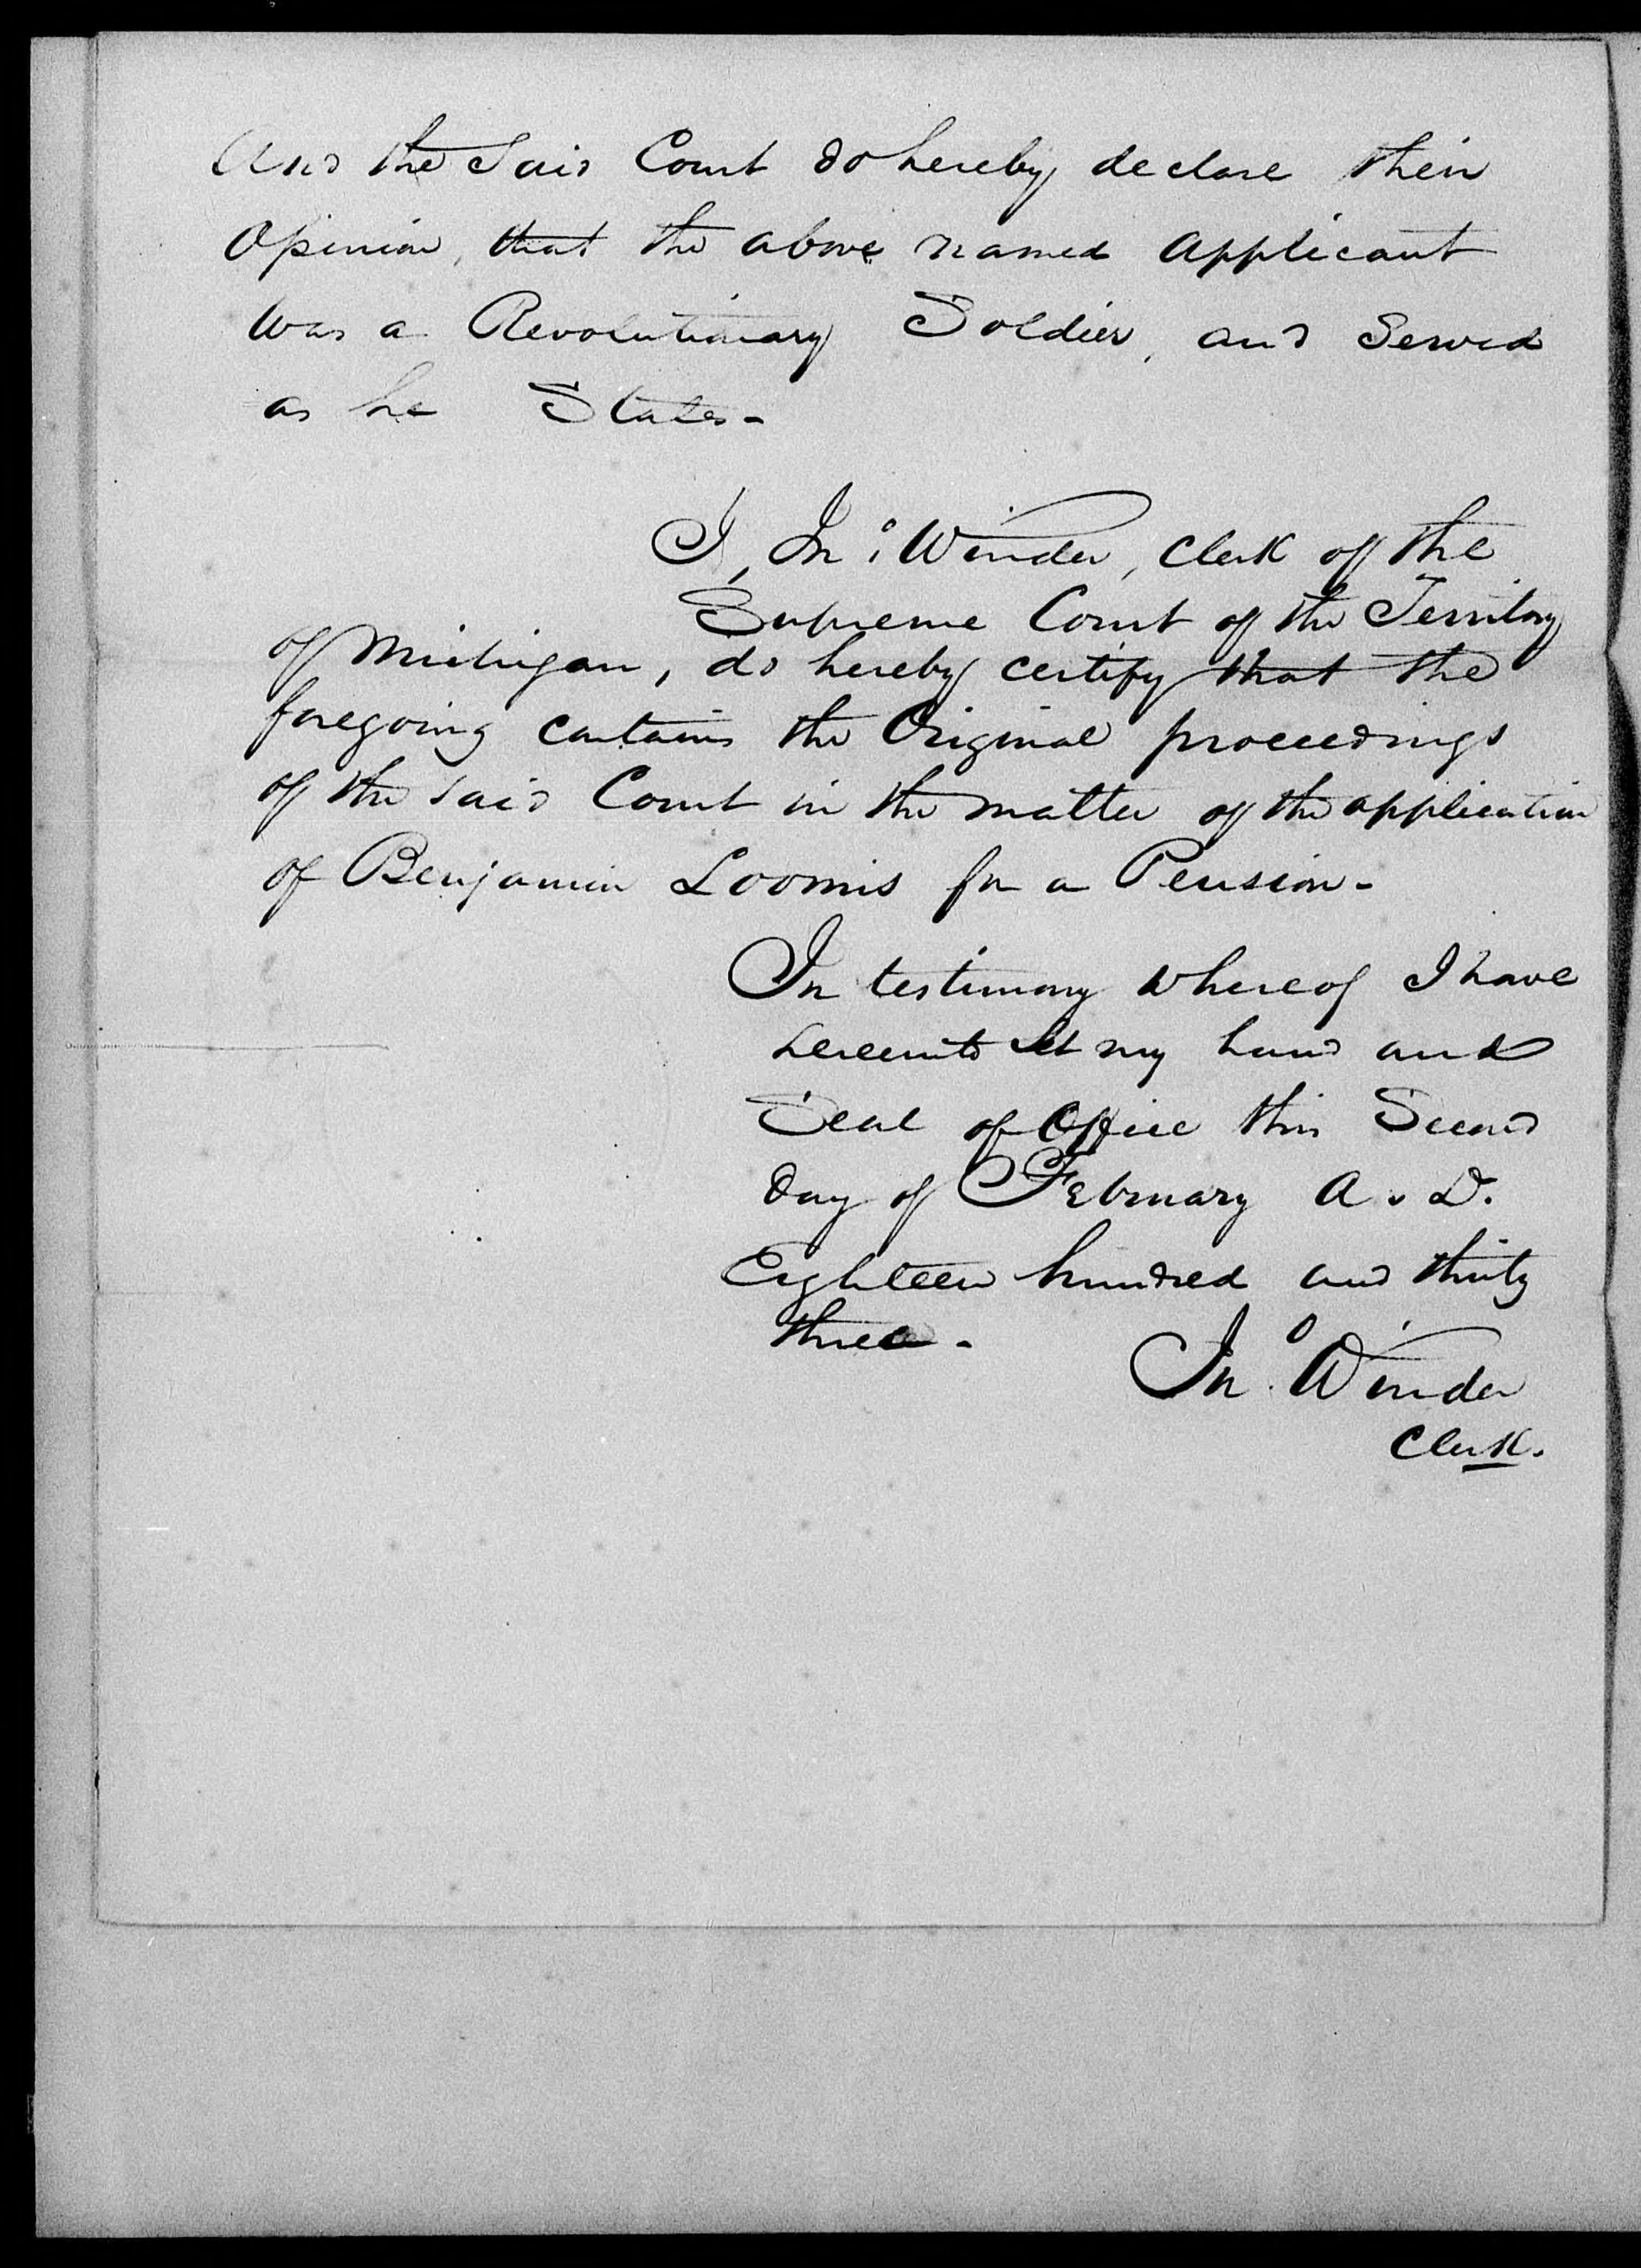And the Said Court do hereby declare their opinion, that the above named applicant was a Revolutionary Soldier and Served as he states.

I, Ino Winder, Clerk of the Supreme Court of the Territory of Michigan, do hereby certify that the foregoing contains the Original proceedings of the said Court in the matter of the application of Benjamin Loomis for a Pension - 

In testimony whereof I have hereunto set my hand and seal of Office this Second day of February A. D. 
Eighteen hundred and thirty three
Ino Winder Clerk.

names: Jno Winder; Benjamin Loomis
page: 7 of 13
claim: rejected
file: R. 6441, for Benjamin Loomis, Connecticut